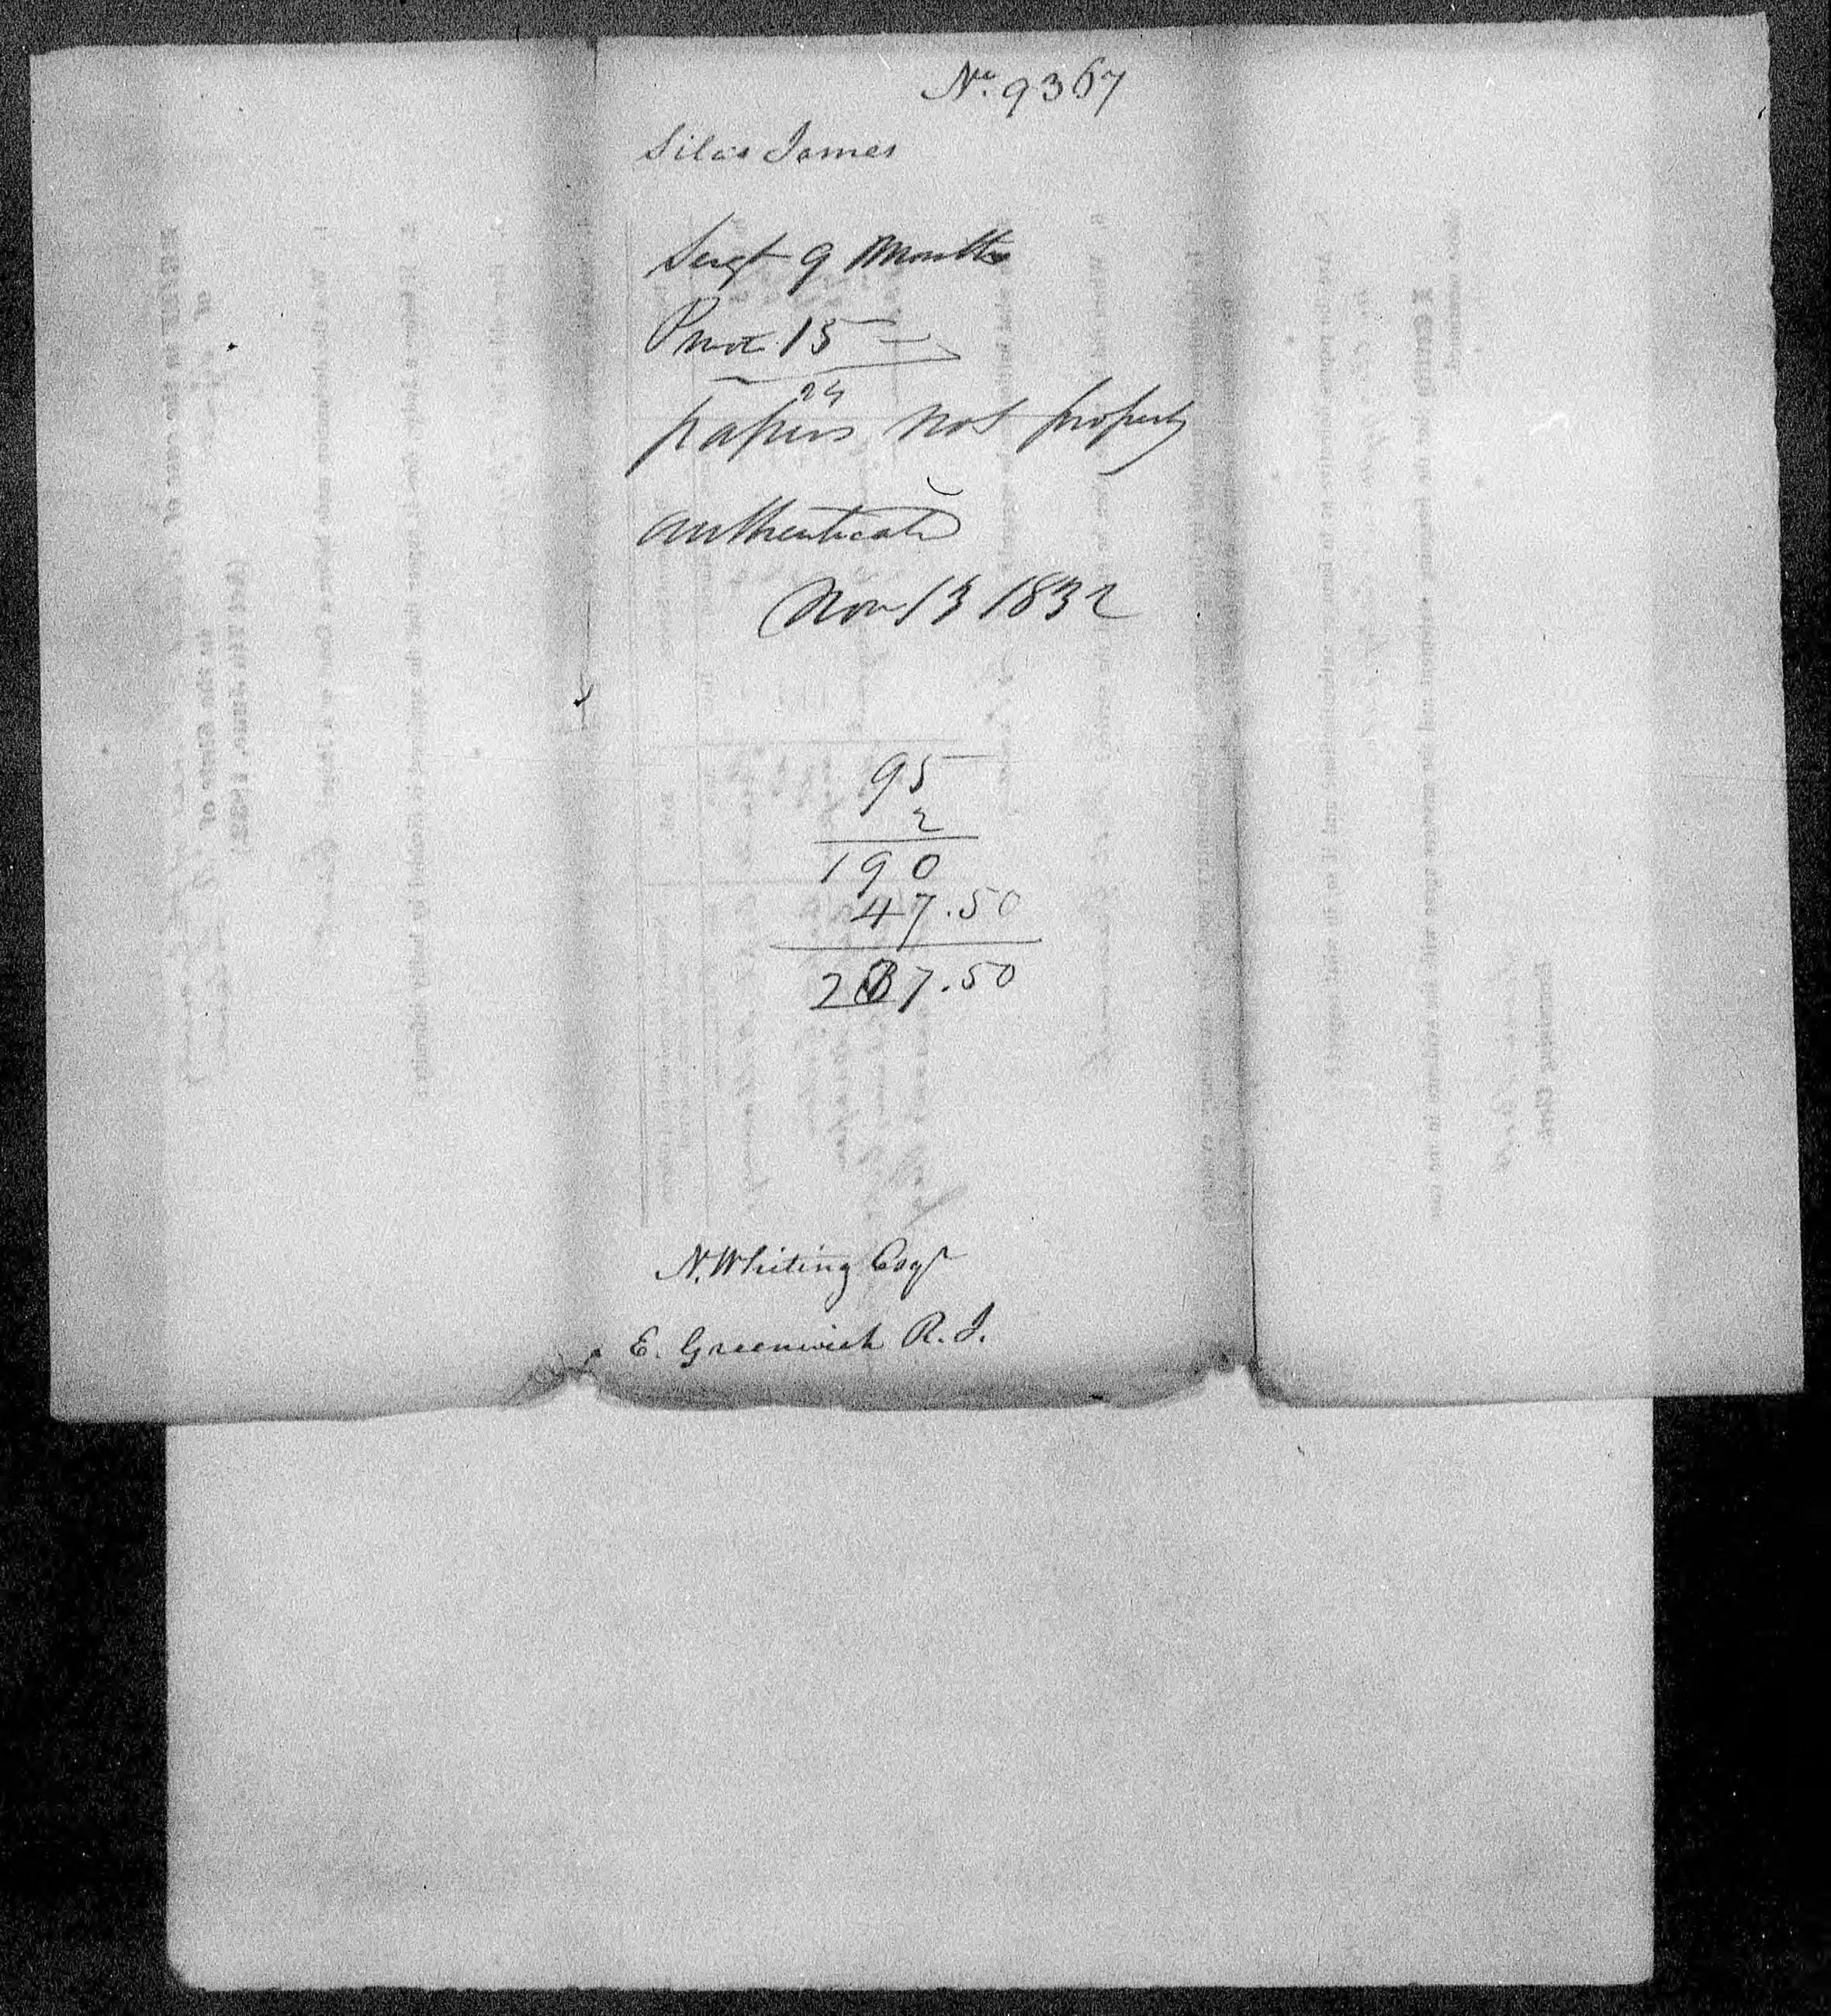No. 9367

Silas James

Sergt 9 Months
Private 15-
24

papers not properly authenticated
Nov 13 1832

95
2
190
47.50
237.50

N. Whiting Esqr
E. Greenwich R.I.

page: 6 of 41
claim: widow's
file: W. 24728, for Silas James, Rhode Island